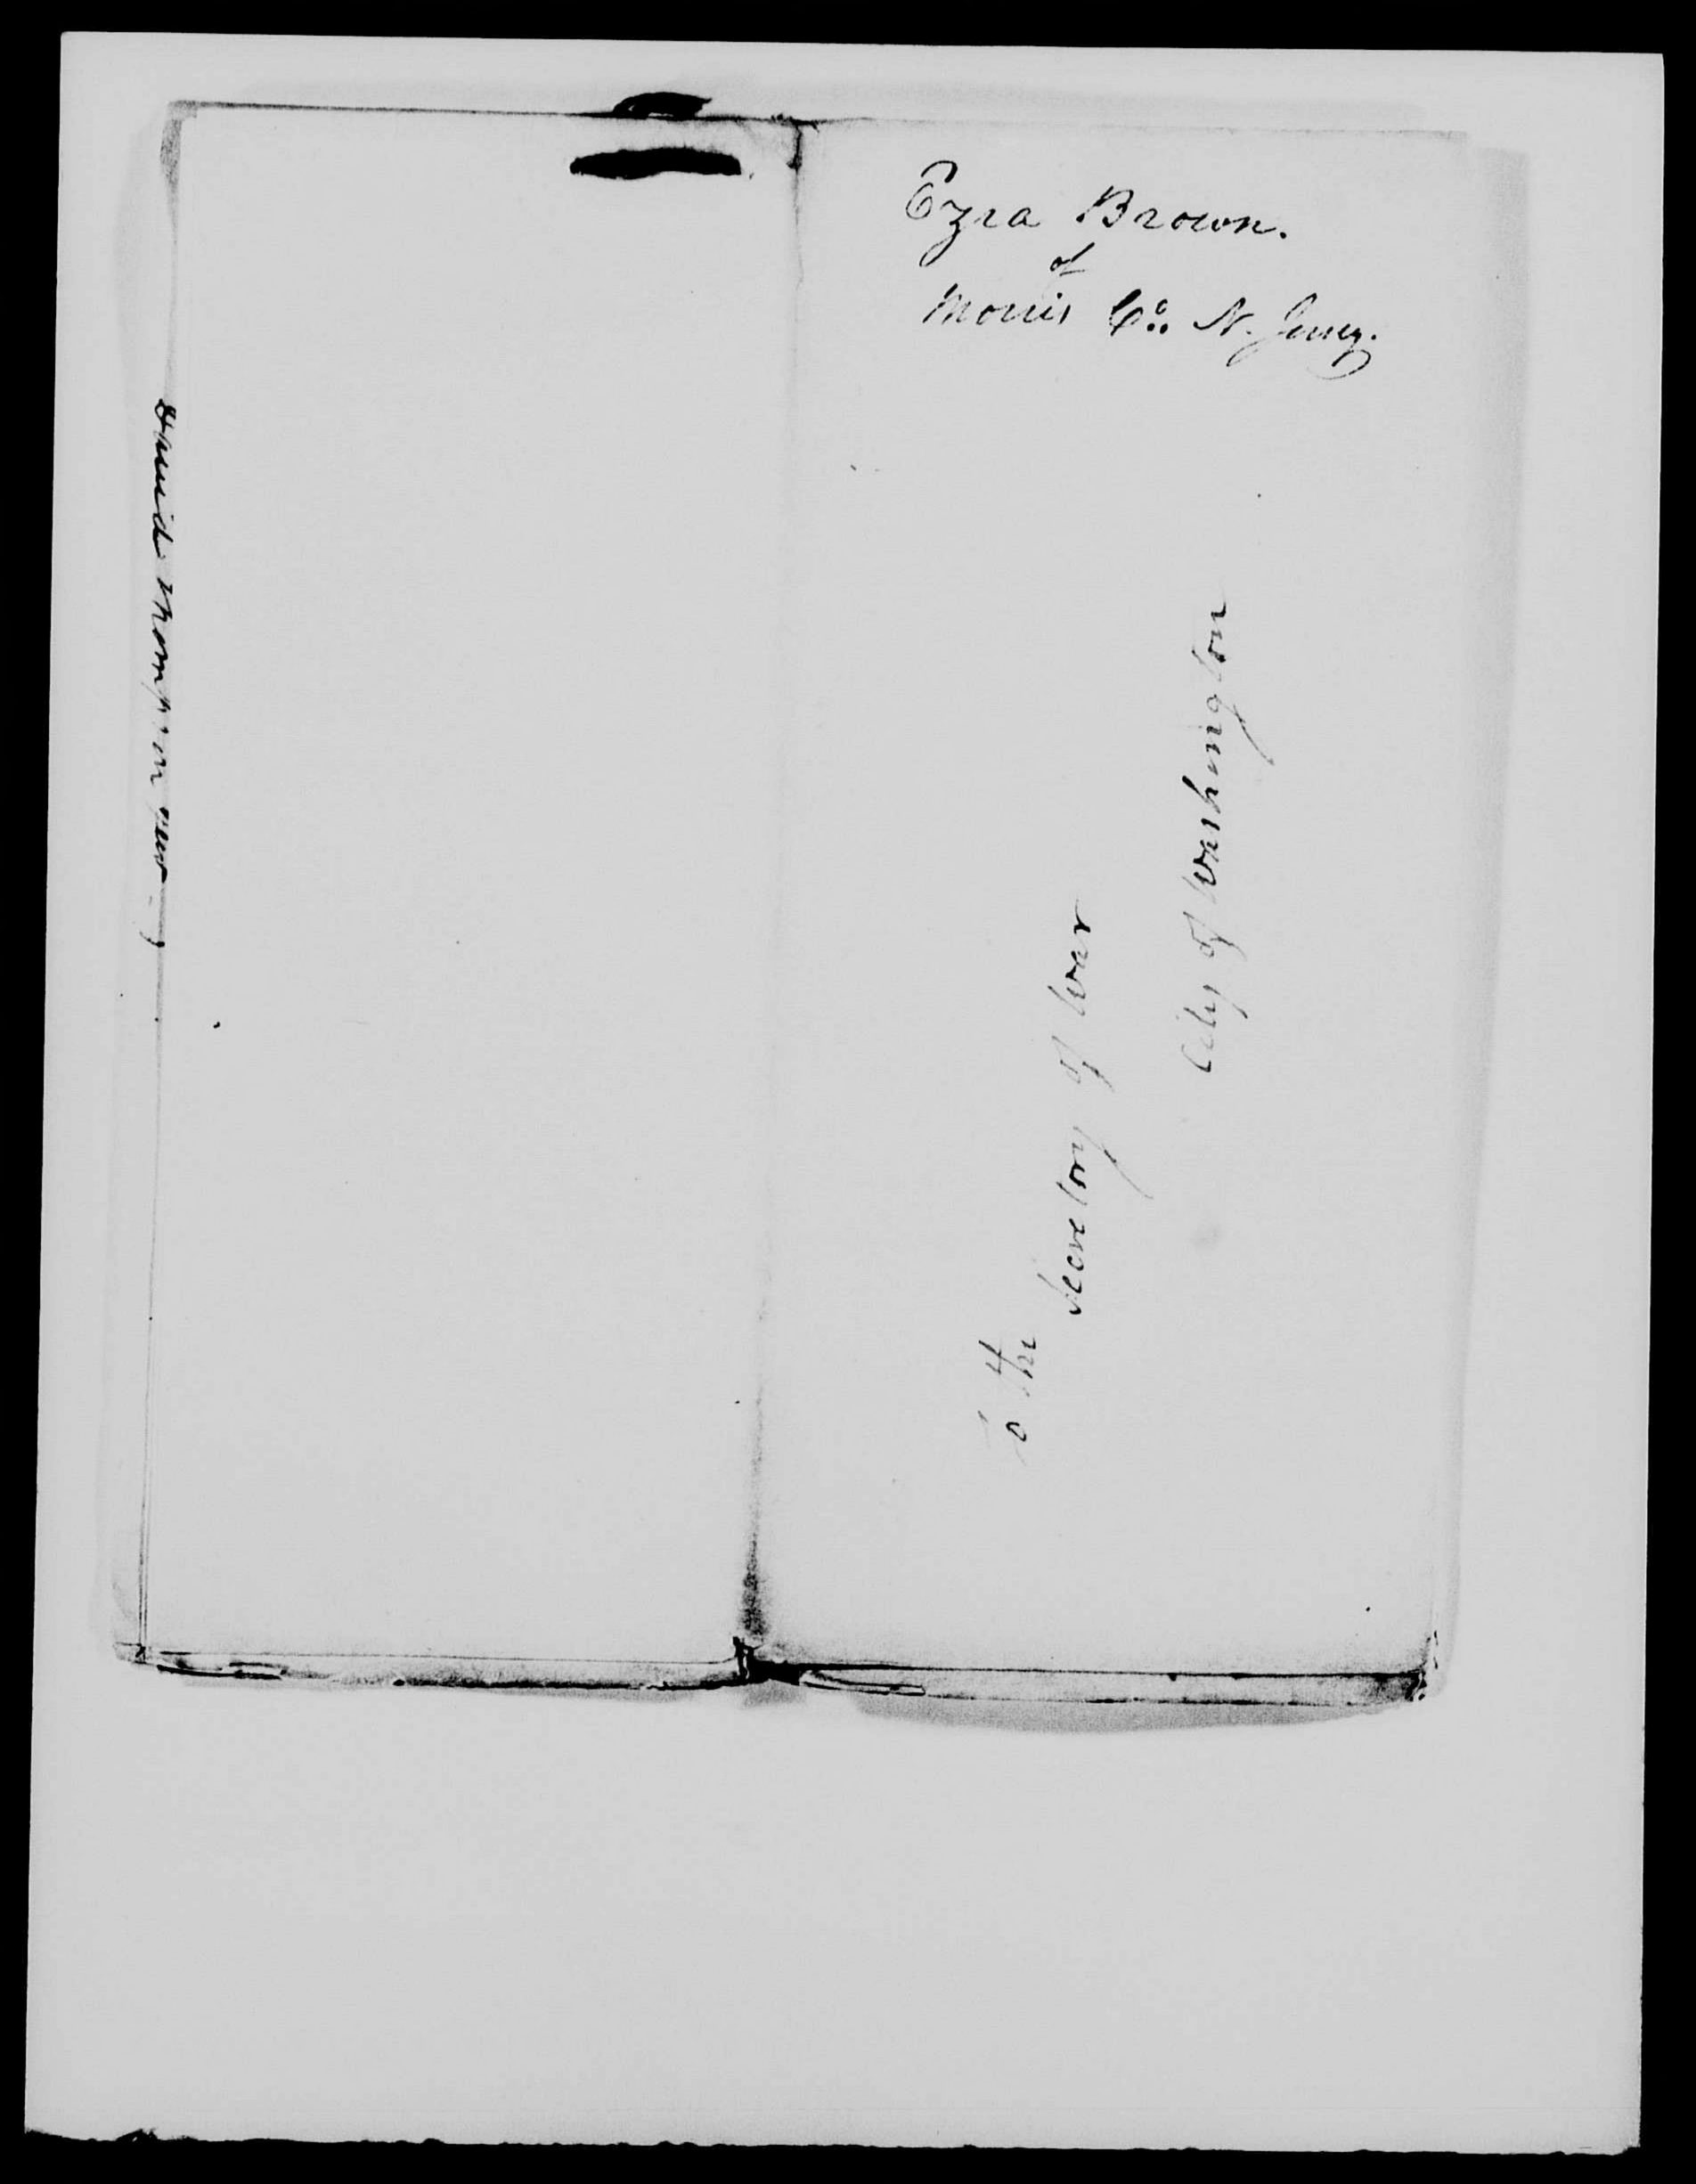Ezra Brown
of
Morris Co N. Jersey

To the Secretary of War
City of Washington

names: Ezra Brown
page: 23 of 27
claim: survivor's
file: S. 34,094, Ezra Brown, New Jersey